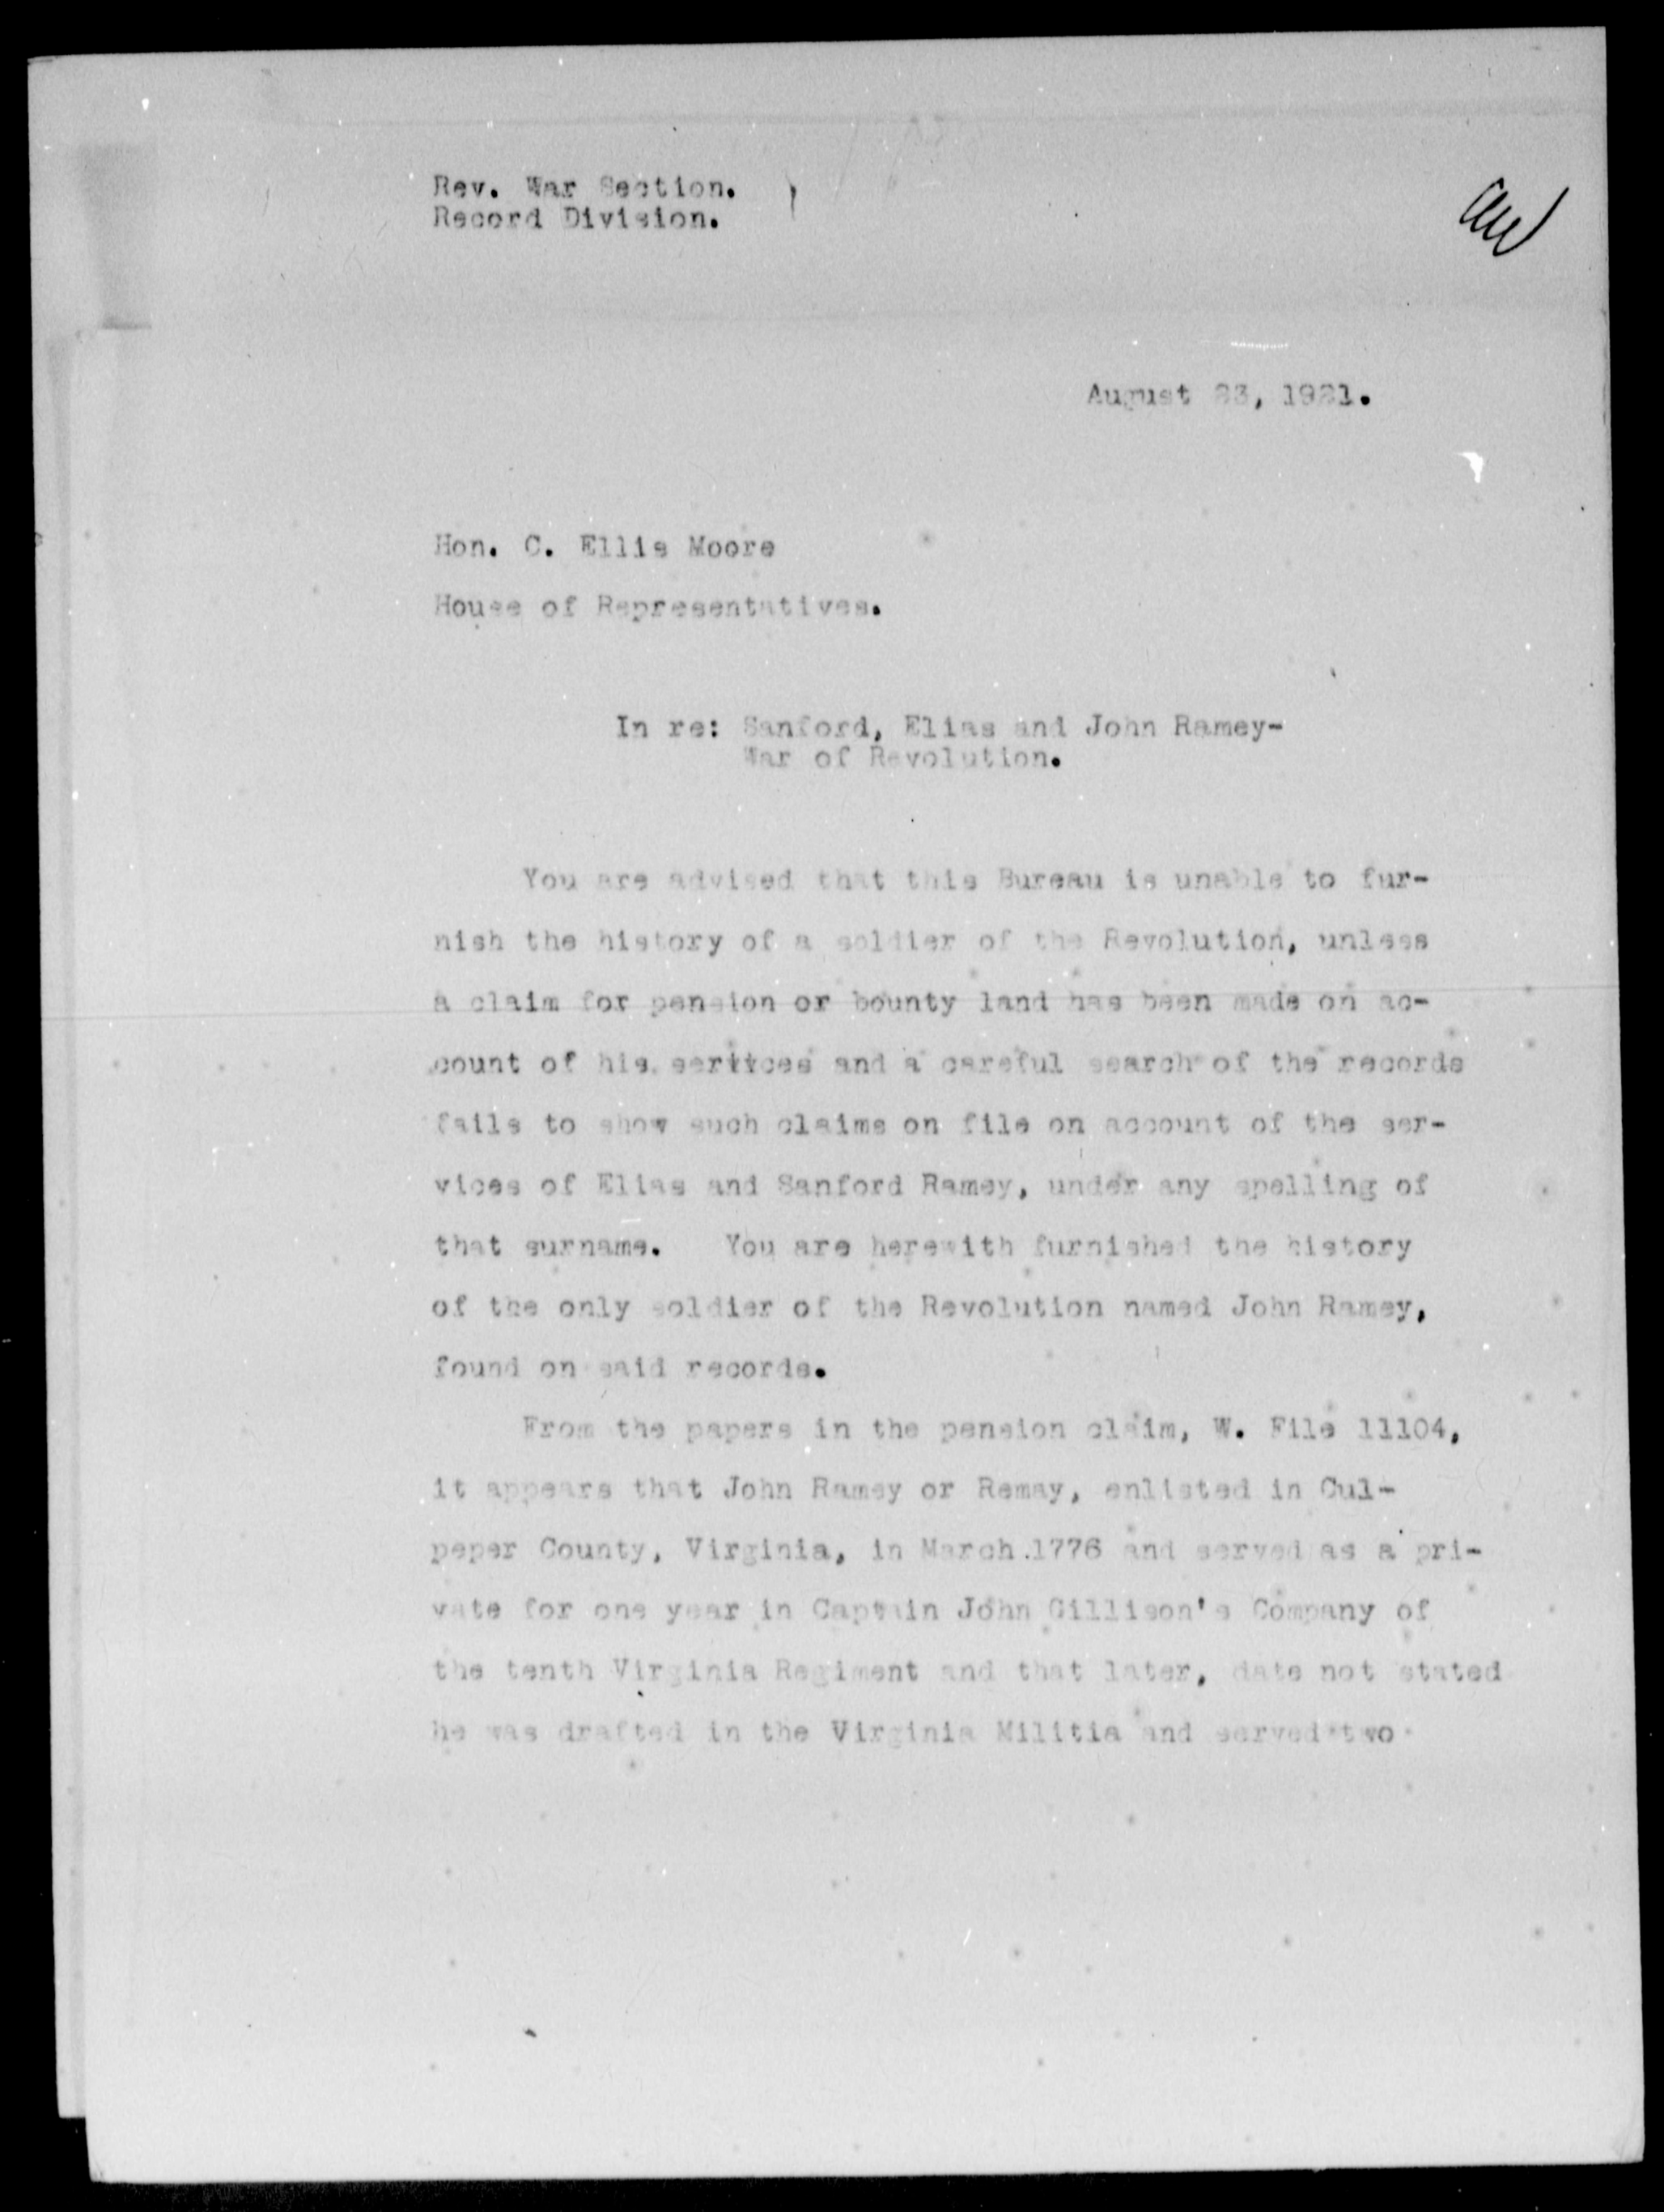Rev. War Section. AW
Record Division.
August 23, 1921.
Hon. C. Ellis Moore
House of Representatives.
In re: Sanford, Elias and John Ramey-
War of Revolution.

You are advised that this Bureau is unable to furnish the history of a soldier of the Revolution, unless a claim for pension or bounty land has been made on account of his services and a careful search of the records fails to show such claims on file on account of the services of Elias and Sanford Ramey, under any spelling of that surname. You are herewith furnished the history of the only soldier of the Revolution named John Ramey, found on said records.
From the papers in the pension claim, W. File 11104, it appears that John Ramey or Remay, enlisted in Culpeper County, Virginia, in March 1776 and served as a private for one year in Captain John Gillison's Company of the tenth Virginia Regiment and that later, date not stated he was drafted in the Virginia Militia and served two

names: Sanford Ramey; John Ramey; Elias Ramey; John Ramey; John Ramey; C Ellis Moore; Elias Ramey; John Remay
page: 43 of 84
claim: widow's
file: W.11104, for John Remay, Virginia